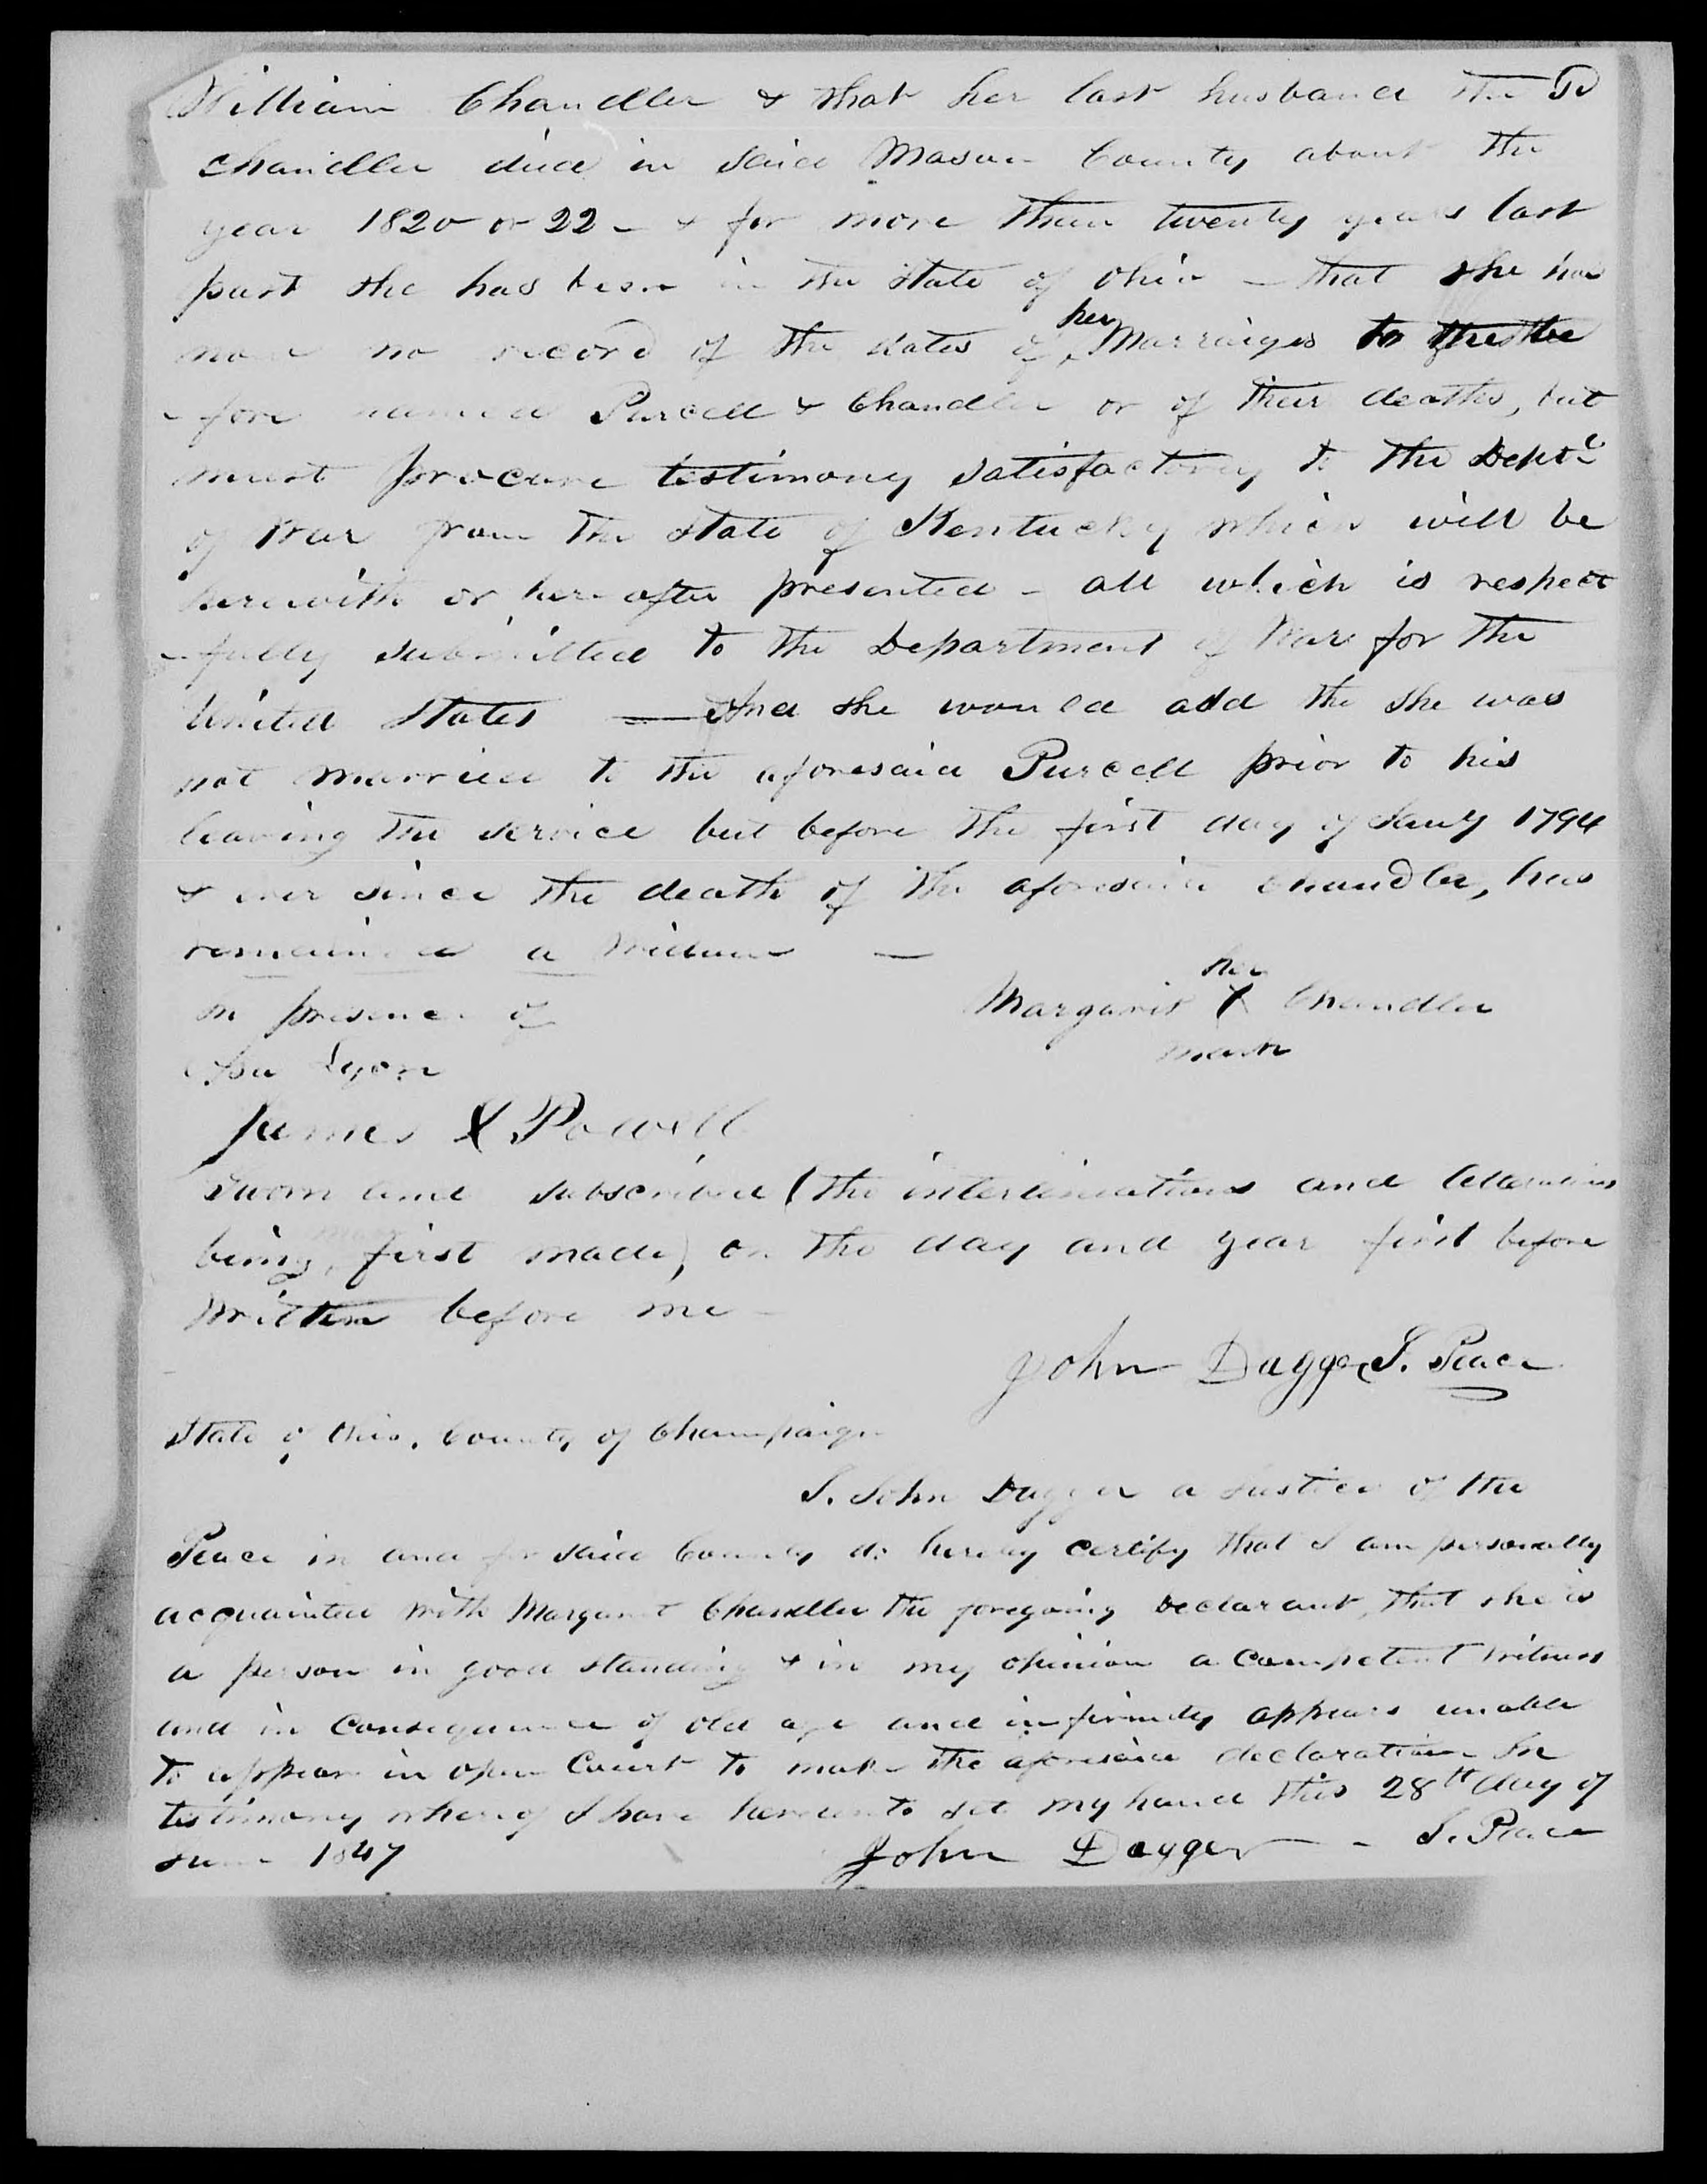William Chandler & that her last husband the sd Chandler died in said Mason County about the year 1820 or 22 - & for more than twenty years last past she has been in the State of Ohio - that she has now no record of the dates of her Marriages to the before named Purcell & Chandler or of their deaths, but must procure testimony satisfactory to the Dept. of War from the State of Kentucky which will be herewith or hereafter presented - all which is respectfully submitted to the Department of War for the United States - And she would add the she was not married to the aforesaid Purcell prior to his leaving the Service but before the first day of Jany 1794 & ever since the death of the aforesaid Chandler, has remained a widow -
In presence of Margaret Chandler x her mark
Ossa Lyon
James J Powell
Sworn and subscribed (the interlineations and alternations being first made) on the day and year first before written before me -
John Dagger J. Peace.

State of Ohio, County of Champaign
I, John Dagger a Justice of the
Peace in and for said County do hereby Certify that I am personally acquainted with Margaret Chandler the foregoing Declarant, that she is a person in good standing & in my opinion a Competent witness and in Consequence of old age and infirmity appears unable to appear in Open Court to make the aforesaid declaration In Testimony whereof I have hereunto set my hand this 28th day of June 1847 
John Dagger - J. Peace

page: 6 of 86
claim: widow's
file: W. 6661, for George Purcell, Virginia